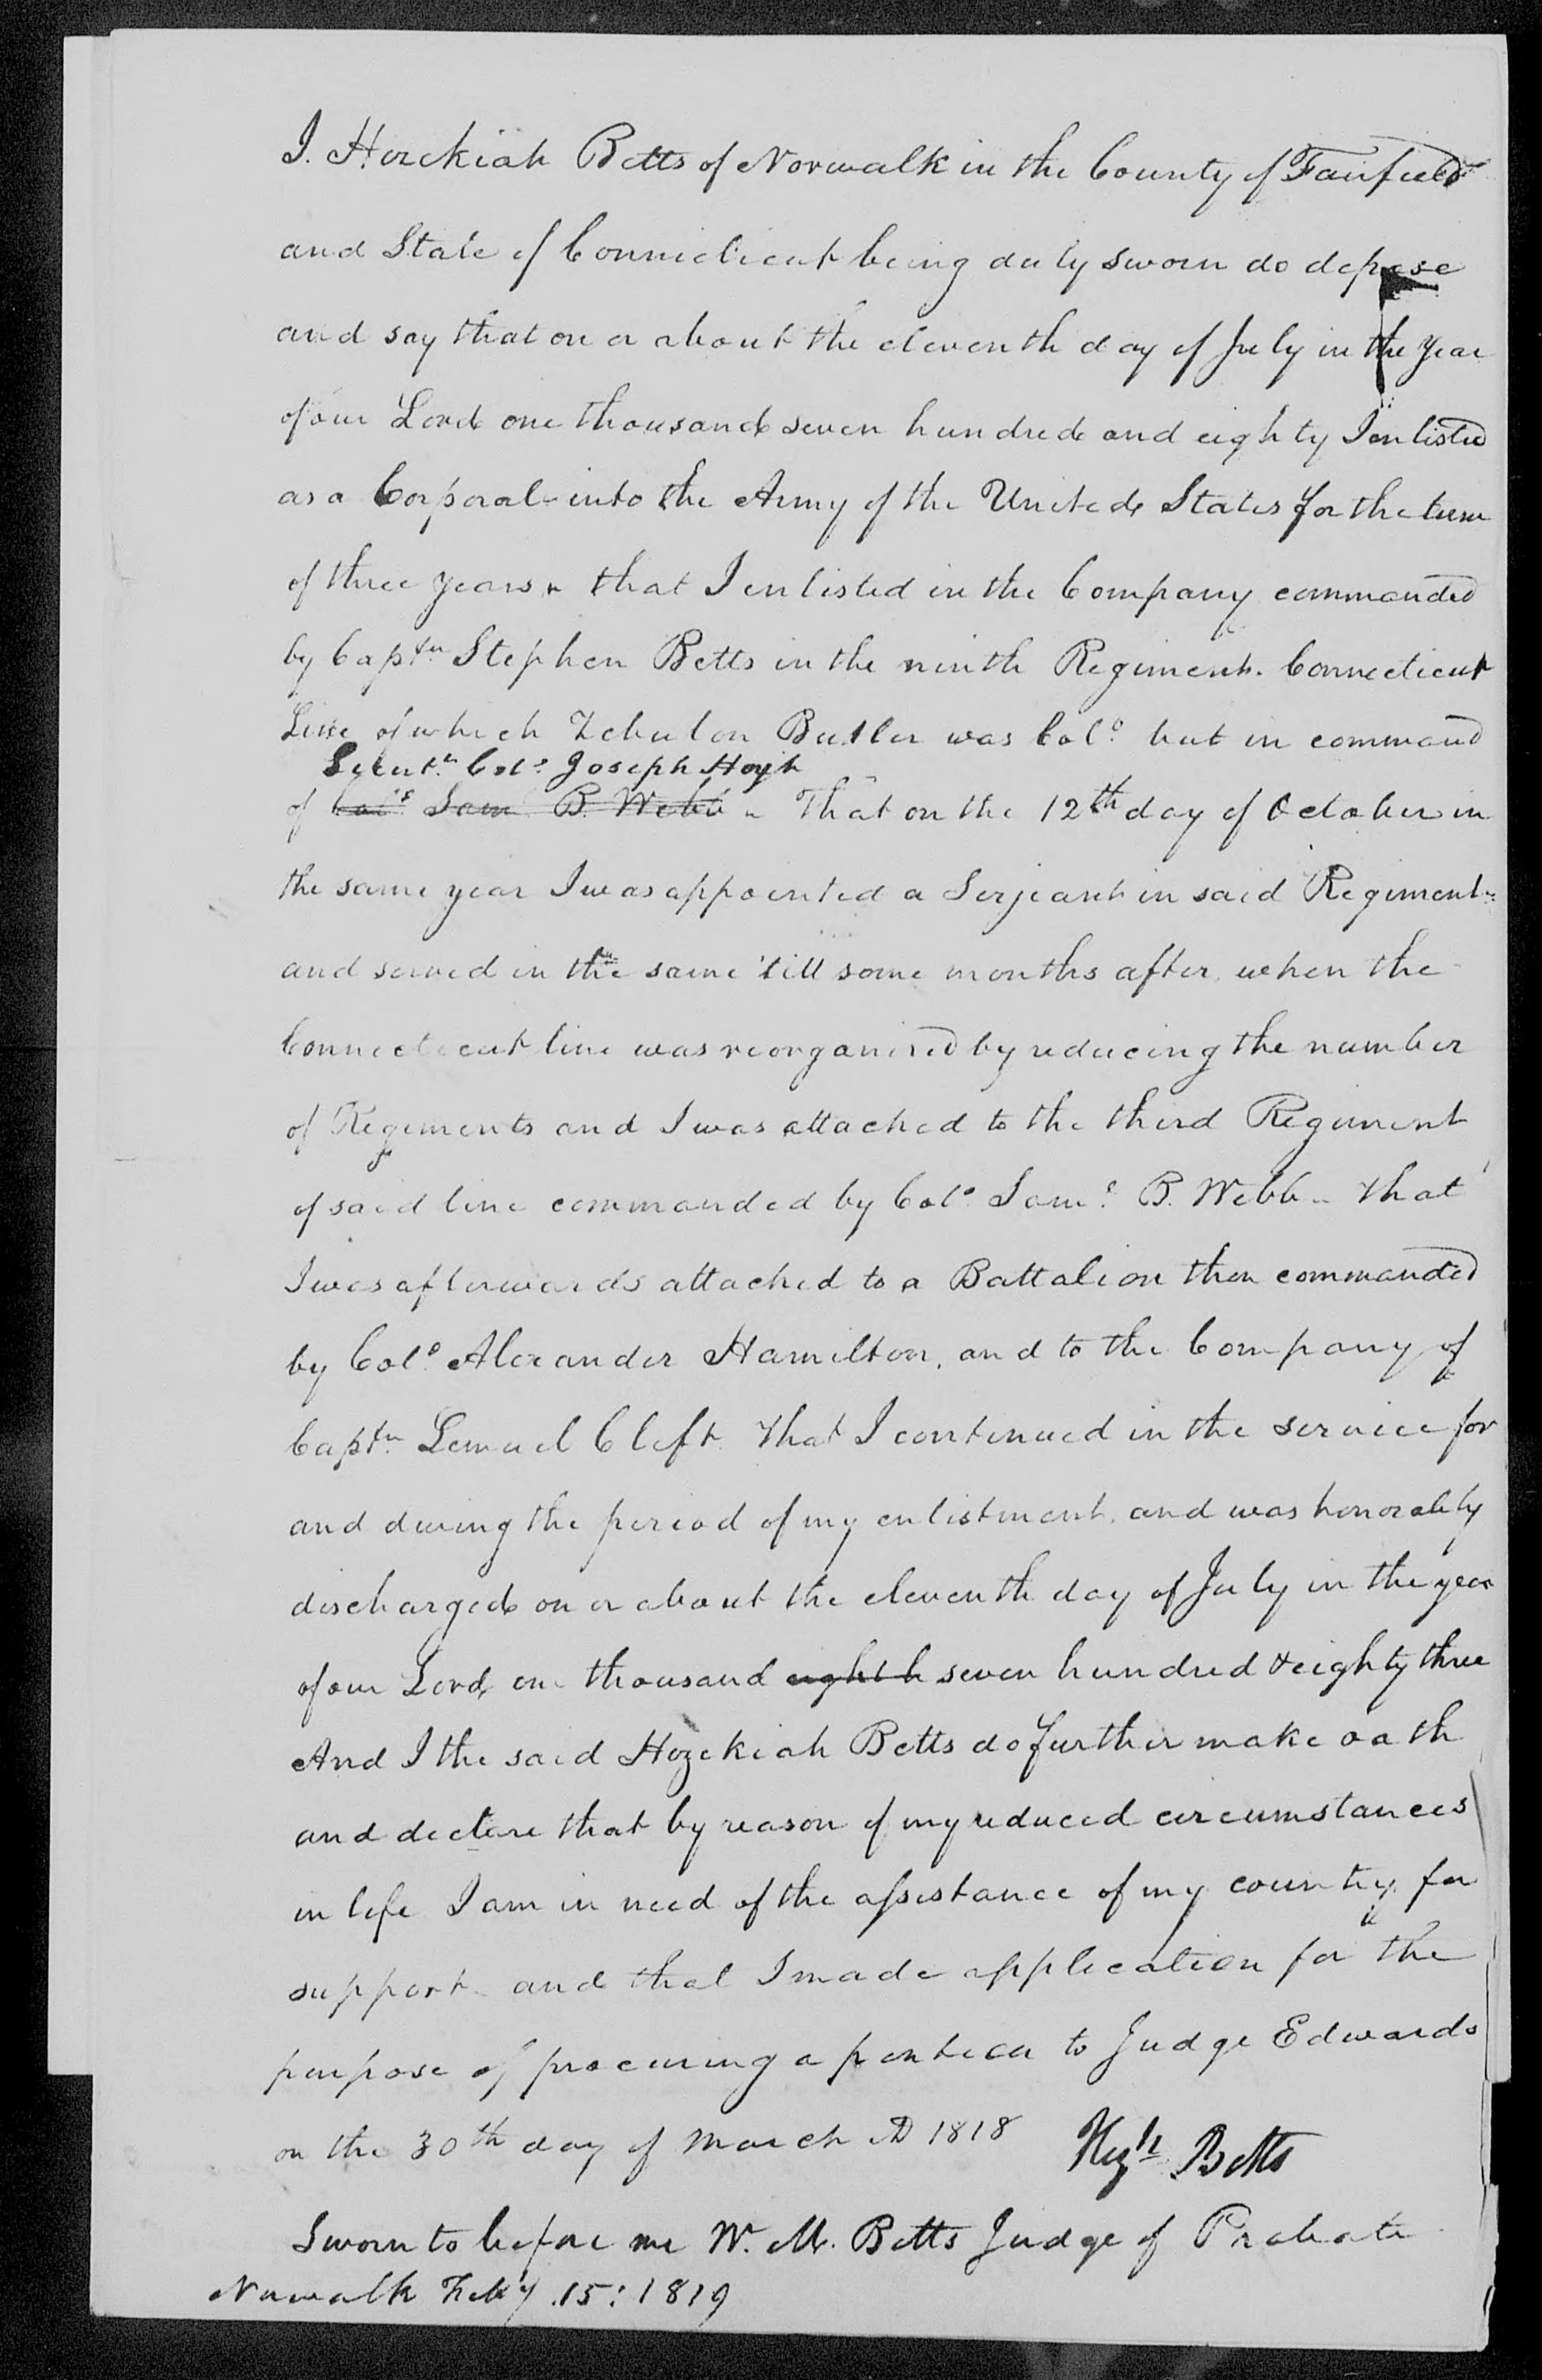I Hezekiah Betts of Norwalk in the County of Fairfield and State of Connecticut being duly sworn do depose and say that on or about the eleventh day of July in the year of our Lord one thousand seven hundred and eighty I enlisted as a Corporal into the Army of the United States for the term of three years, that I enlisted in the Company commanded by Capt Stephen Betts in the ninth Regiment, Connecticut Line of which Zebulon Butler was Colo but in command of Lt. Col. Joseph Hoyt. That on the 12th day of October in the same year I was appointed a Sergeant in said Regiment and served in the same till some months after, when the Connecticut line was reorganized by reducing the number of Regiments and I was attached to the third Regiment of said line commanded by Col Saml B Webb, that I was afterwards attached to a Battalion then commanded by Col Alexander Hamilton, and to the Company of Capt Lemuel Cleft. That I continued in the service for and during the period of my enlistment, and was honorable discharged on or about the eleventh day of July in the year of our Lord one thousand seven hundred & eighty three. And I the said Hezekiah Betts do further make oath and declare that by reason of my reduced circumstances in life I am in need of the assistance of my country for support and that I made application for the purpose of procuring a pension to Judge Edwards on the 30th day of March AD 1818.
Hezh Betts
Sworn to before me W. M. Betts Judge of Probate Norwalk Feby 15: 1819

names: Saml B Webb, Lemuel Clift, Hezh Betts, Hezekiah Betts, Alexander Hamilton, Joseph Hoyt, Judge Edwards, Zebulon Butler, W M Betts, Stephen Betts, Hezekiah Betts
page: 46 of 61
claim: widow's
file: W. 29,929, Hezekiah Betts, Conn.